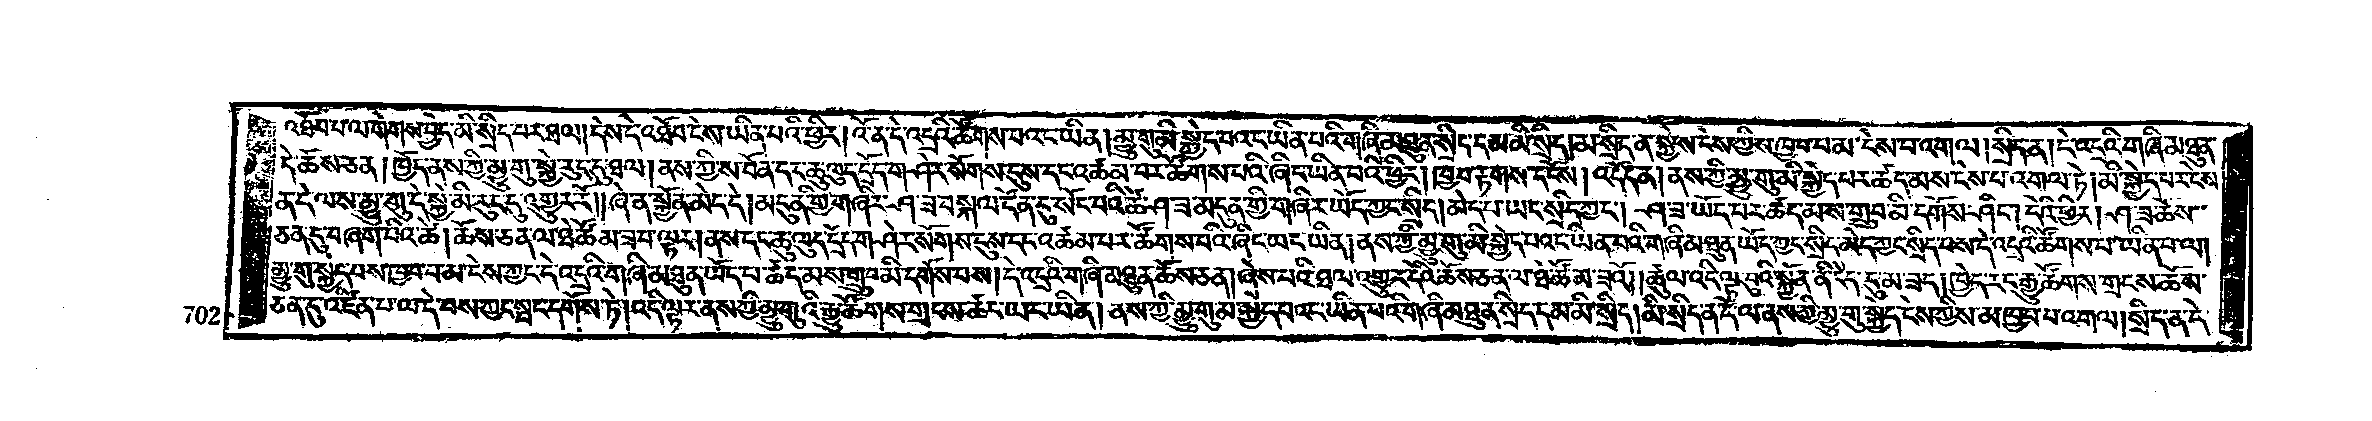འཐོབ་པ་ལ་གེགས་བྱེད་མི་སྲིད་པར་ཐལ། དེས་དེ་འཐོབ་ངེས་ཡིན་པའི་ཕྱིར། འོ་ན། དེ་འདྲའི་ཚོགས་པའང་ཡིན། མྱུ་གུ་མི་སྐྱེད་པའང་ཡིན་པའི་གཞི་མཐུན་སྲིད་དམ་མི་སྲིད། མི་སྲིད་ན་སྐྱེས་ངེས་ཀྱིས་ཁྱབ་པ་མ་ངེས་པ་འགལ། སྲིད་ན། དེ་འདྲའི་གཞི་མཐུན་
དེ་ཆོས་ཅན། ཁྱོད་ནས་ཀྱི་མྱུ་གུ་སྐྱེ་རུང་དུ་ཐལ། ནས་ཀྱི་ས་བོན་དང་ཆུ་ལུད་དྲོད་གཤེར་སོགས་དུས་དང་འཚམ་པར་ཚོགས་པའི་ཞིང་ཡིན་པའི་ཕྱིར། ཁྱབ་རྟགས་དངོས། འདོད་ན། ནས་ཀྱི་མྱུ་གུ་མི་སྐྱེད་པར་ཚད་མས་ངེས་པ་འགལ་ཏེ། མི་སྐྱེད་པར་ངེས་
ན་དེ་ལས་མྱུ་གུ་དེ་སྐྱེ་མི་རུང་དུ་འགྱུར་རོ། ཞེ་ན་སྐྱོན་མེད་དེ། མདུན་གྱི་གཞིར་ཤ་ཟ་བསྐལ་དོན་དུ་སོང་པའི་ཚེ་ཤ་ཟ་མདུན་གྱི་གཞིར་ཡོད་ཀྱང་སྲིད། མེད་པ་ཡང་སྲིད་ཀྱང་། ཤ་ཟ་ཡོད་པར་ཚད་མས་གྲུབ་མི་དགོས་ཤིང་། དེའི་ཕྱིར། ཤ་ཟ་ཆོས་
ཅན་དུ་བཞག་པའི་ཚེ། ཆོས་ཅན་ལ་ཐེ་ཚོམ་ཟ་བ་ལྟར། ནས་དང་ཆུ་ལུད་དྲོད་གཤེར་སོགས་དུས་དང་འཚམ་པར་ཚོགས་པའི་ཞིང་ཡང་ཡིན། ནས་ཀྱི་མྱུ་གུ་མི་སྐྱེད་པའང་ཡིན་པའི་གཞི་མཐུན་ཡོད་ཀྱང་སྲིད་མེད་ཀྱང་སྲིད་པས་དེ་འདྲའི་ཚོགས་པ་ཡིན་པ་ལ་
མྱུ་གུ་སྐྱེད་པས་ཁྱབ་པ་མ་ངེས་ཀྱང་དེ་འདྲའི་གཞི་མཐུན་ཡོད་པ་ཚད་མས་གྲུབ་མི་དགོས་པས། དེ་འདྲའི་གཞི་མཐུན་ཆོས་ཅན། ཞེས་པའི་ཐལ་འགྱུར་དེའི་ཆོས་ཅན་ལ་ཐེ་ཚོམ་ཟའོ། །ཚུལ་འདི་ལྟ་བུའི་སྐྱོན་ནི་ངེད་དུ་མ་ཟད། ཁྱེད་རང་རྒྱུ་ཚོགས་གྲངས་ཆོས་
ཅན་དུ་འཛིན་པ་ལ་དེ་བས་ཀྱང་སྤང་དགོས་ཏེ། འདི་ལྟར་ནས་ཀྱི་མྱུ་གུའི་རྒྱུ་ཚོགས་གྲངས་ཚང་ཡང་ཡིན། ནས་ཀྱི་མྱུ་གུ་མ་སྐྱེད་པའང་ཡིན་པའི་གཞི་མཐུན་སྲིད་དམ་མི་སྲིད། མི་སྲིད་ན་དེ་ལ་ནས་ཀྱི་མྱུ་གུ་སྐྱེད་ངེས་ཀྱིས་མ་ཁྱབ་པ་འགལ། སྲིད་ན་དེ་